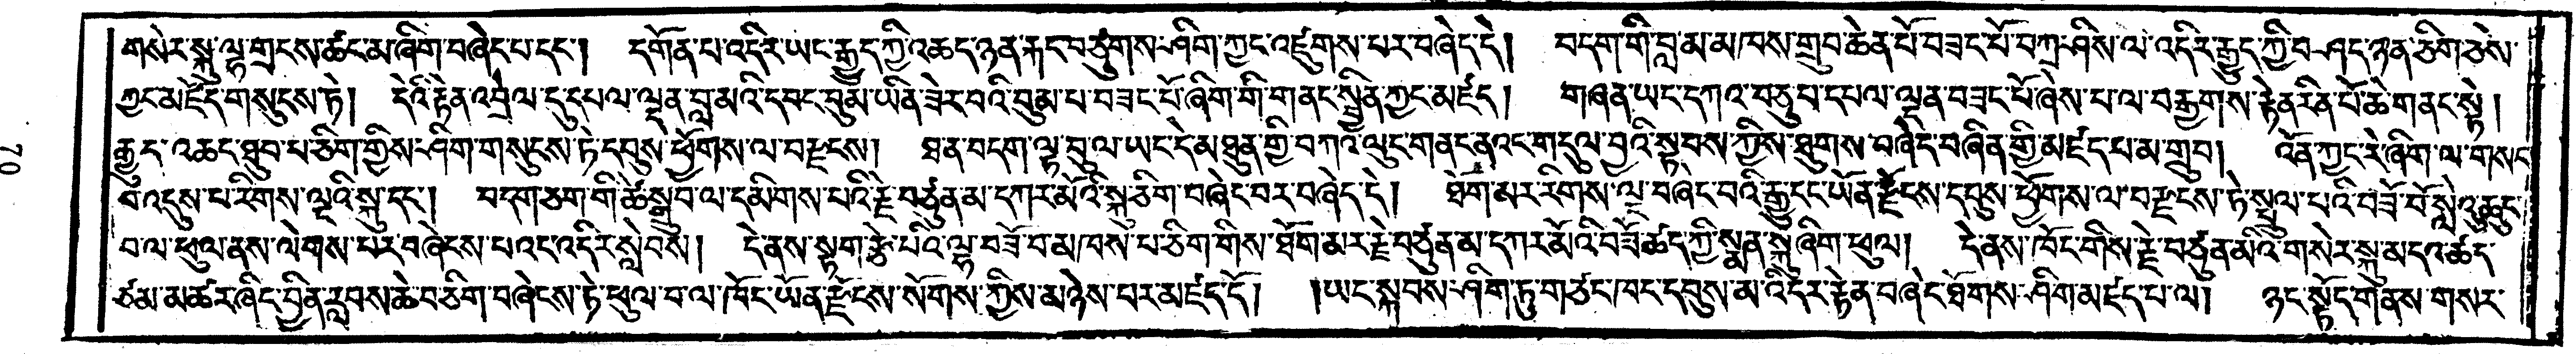གསེར་སྐུ་ལྷ་གྲངས་ཚང་མ་ཞིང་བཞེང་པ་དང་། དགོན་པ་འདིར་ཡང་རྒྱུད་ཀྱི་འཆད་ཉན་རྐང་བཙུགས་ཤིག་ཀྱང་འཛུགས་པར་བཞེད་དེ། བདག་གི་བླ་མ་མཁས་གྲུབ་ཆེན་པོ་བཟང་པོ་བཀྲ་ཤིས་ལ་འདིར་རྒྱུད་ཀྱི་བཤད་ཉན་ཅིག་ཅེས་
ཀྱང་མཛོད་གསུངས་ཏེ། དེའི་རྟེན་འབྲེལ་དུ་དཔལ་ལྡན་བླ་མའི་དབང་བུམ་ཡིན་ཟེར་བའི་བུམ་པ་བཟང་པོ་ཞིག་གི་གནང་སྦྱིན་ཀྱང་མཛད། གཞན་ཡང་དཀའ་བཅུ་པ་དཔལ་ལྡན་བཟང་པོ་ཞེས་པ་ལ་བརྒྱགས་རྟེན་རིན་པོ་ཆེ་གནང་སྟེ།
རྒྱུད་འཆད་ཐུབ་པ་ཅིག་གྱིས་ཤིག་གསུངས་ཏེ་དབུས་ཕྱོགས་ལ་བརྫངས། ཐ་ན་བདག་ལྟ་བུ་ལ་ཡང་དེ་མཐུན་གྱི་བཀའ་ལུང་གནང་ནའང་གདུལ་བྱའི་སྟབས་ཀྱིས་ཐུགས་བཞེད་བཞིན་གྱི་མཛད་པ་མ་གྲུབ། འོན་ཀྱང་རེ་ཞིག་ལ་གསང་
བ་འདུས་པ་རིགས་ལྔའི་སྐུ་དང་། བདག་ཅག་གི་ཚེ་སྒྲུབ་ལ་དམིགས་པའི་རྗེ་བཙུན་མ་དཀར་མོའི་སྐུ་ཅིག་བཞེང་བར་བཞེད་དེ། ཐོག་མར་རིགས་ལྔ་བཞེད་བའི་རྒྱུ་དང་ཡོན་རྫོངས་དབུས་ཕྱོགས་ལ་བརྫངས་ཏེ་སྤྲུལ་པའི་བཟོ་བོ་སླེའུ་ཆུང་
བ་ལ་ཕུལ་ནས་ལེགས་པར་བཞེངས་པའང་འདིར་སླེབས། དེ་ནས་སྟག་རྩེ་པའི་ལྷ་བཟོ་བ་མཁས་པ་ཅིག་གིས་ཐོག་མར་རྗེ་བཙུན་མ་དཀར་མོའི་བཟོ་ཚད་ཀྱི་སྨན་སྐུ་ཞིག་ཕུལ། དེ་ནས་ཁོང་གིས་རྗེ་བཙུན་མའི་གསེར་སྐུ་མདའ་ཚད་
ཙམ་མཚར་ཞིང་བྱིན་རླབས་ཆེ་བ་ཅིག་བཞེངས་ཏེ་ཕུལ་བ་ལ་ཁོང་ཡོན་རྫོངས་སོགས་ཀྱིས་མཉེས་པར་མཛད་དོ། །ཡང་སྐབས་ཤིག་ཏུ་གཙང་ཁང་དབུས་མ་འདིར་རྟེན་བཞེང་ཐོགས་ཤིག་མཛད་པ་ལ། ཉང་སྟོད་གནས་གསར་